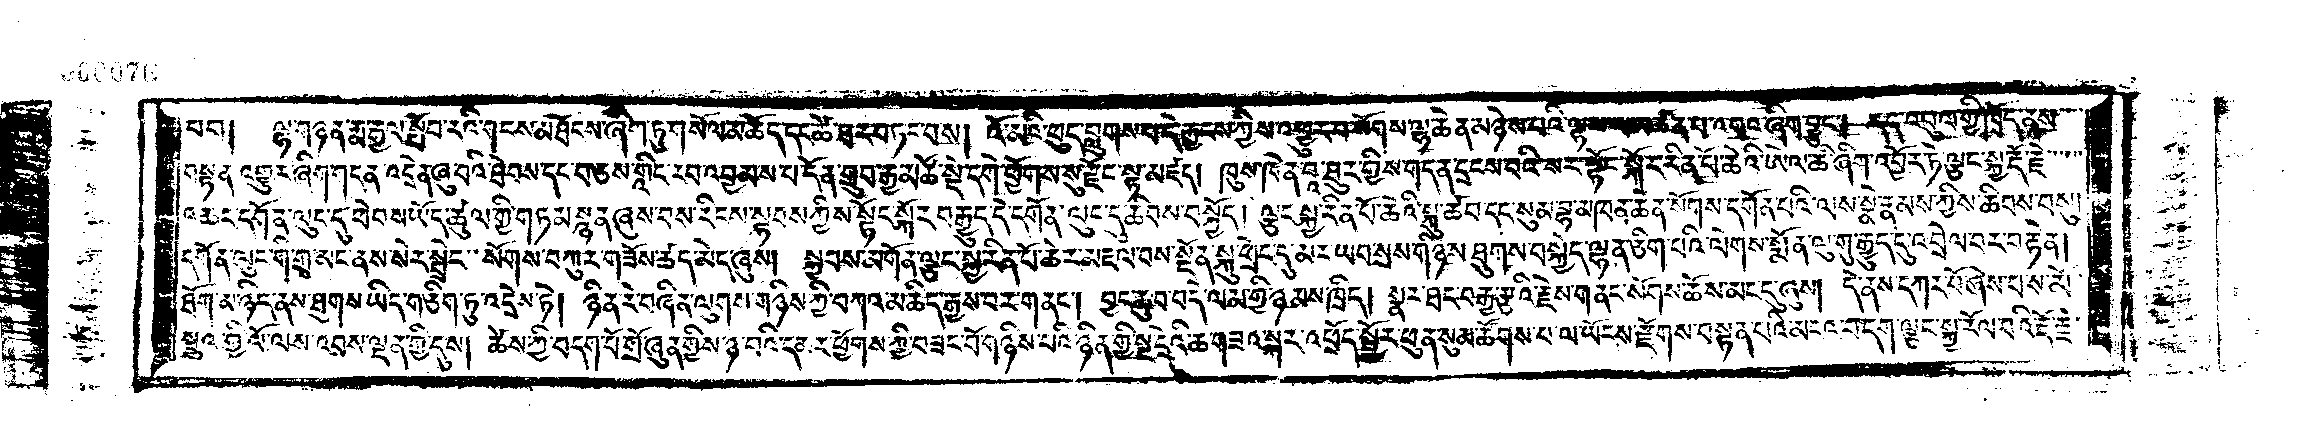ཕབ། ལྷ་གཉན་རྨ་རྒྱལ་སྤོམ་རའི་གངས་མཐོངས་ཞིག་ཏུ་གསོལ་མཆོད་དང་ཚེ་ཐར་བཏང་བས། འོ་མའི་ཕུད་བླུགས་པ་དེ་རྒྱངས་ཀྱིས་འཕྱུར་བ་སོགས་ལྷ་ཆེན་མཉེས་པའི་ལྟས་ཡ་མཚན་པ་འགའ་ཞིག་བྱུང་། དད་འབུལ་གྱི་ཁྲོད་ནས་
བསྟན་འགྱུར་ཞིག་གདན་འདྲེན་ཞུ་བའི་ཐེབས་དང་བཅས་གླིང་རབ་འབྱམས་པ་དོན་གྲུབ་རྒྱ་མཚོ་སྡེ་དགེ་ཕྱོགས་སུ་རྫོང་སྟ་མཛད། ཁུས་ཁེན་པཱ་ཐུར་གྱིས་གདན་དྲངས་པའི་སར་སྟོང་སྐོར་རིན་པོ་ཆེའི་ཨེལ་ཆི་ཞིག་འབྱོར་ཏེ་ལྕང་སྐྱ་རྡོ་རྗེ་
འཆང་དགོན་ལུང་དུ་ཕེབས་ཡོད་ཚུལ་གྱི་གཏམ་སྙན་ཞུས་པས་རིངས་སྟབས་ཀྱིས་སྟོང་སྐོར་བརྒྱུད་དེ་དགོན་ལུང་དུ་ཆིབས་བསྐྱོད། ལྕང་སྐྱ་རིན་པོ་ཆེའི་སྐུ་ཚབ་དང་སུམ་བྷ་མཁན་ཆེན་སོགས་དགོན་པའི་ལས་སྣེ་རྣམས་ཀྱིས་ཆིབས་བསུ།
དགོན་ལུང་གི་གྲྭ་མང་ནས་སེར་སྤྲེང་སོགས་བཀུར་གཟོས་ཚད་མེད་ཞུས། སྐྱབས་མགོན་ལྕང་སྐྱ་རིན་པོ་ཆེར་མཇལ་བས་སྔོན་སྐུ་ཕྲེང་དུ་མར་ཡབ་སྲས་གཉྀས་ཐུགས་བསྐྱེད་ལྷན་ཅིག་པའི་ལེགས་སྨོན་ལུ་གུ་རྒྱུད་དུ་འབྲེལ་བར་བརྟེན།
ཐོག་མ་ཉིད་ནས་ཐུགས་ཡིད་གཅིག་ཏུ་འདྲེས་ཏེ། ཉིན་རེ་བཞིན་ལུགས་གཉིས་ཀྱི་བཀའ་མཆིད་རྒྱས་པར་གནང་། བྱང་ཆུབ་བདེ་ལམ་གྱི་ཉམས་ཁྲིད། སྣར་ཐང་བརྒྱ་རྩའི་རྗེས་གནང་སོགས་ཆོས་མང་དུ་ཞུས། དེ་ནས་དཀར་པོ་ཞེས་བ་ས་མོ་
སྦྲུལ་གྱི་ལོ་ལས་འབྲས་ལྡན་གྱི་དུས། ཚེས་ཀྱི་བདག་པོ་གྲོ་ཞུན་གྱིས་ཉ་བའི་དམར་ཕྱོགས་ཀྱི་བཟང་པོ་གཉིས་པའི་ཉིན་གྱི་སྔ་དྲོའི་ཆ་གཟའ་སྐར་འཕྲོད་སྦྱོར་ཕུན་སུམ་ཚོགས་པ་ལ་ཡོངས་རྫོགས་བསྟན་པའི་མངའ་བདག་ལྕང་སྐྱ་རོལ་པའི་རྡོ་རྗེ་